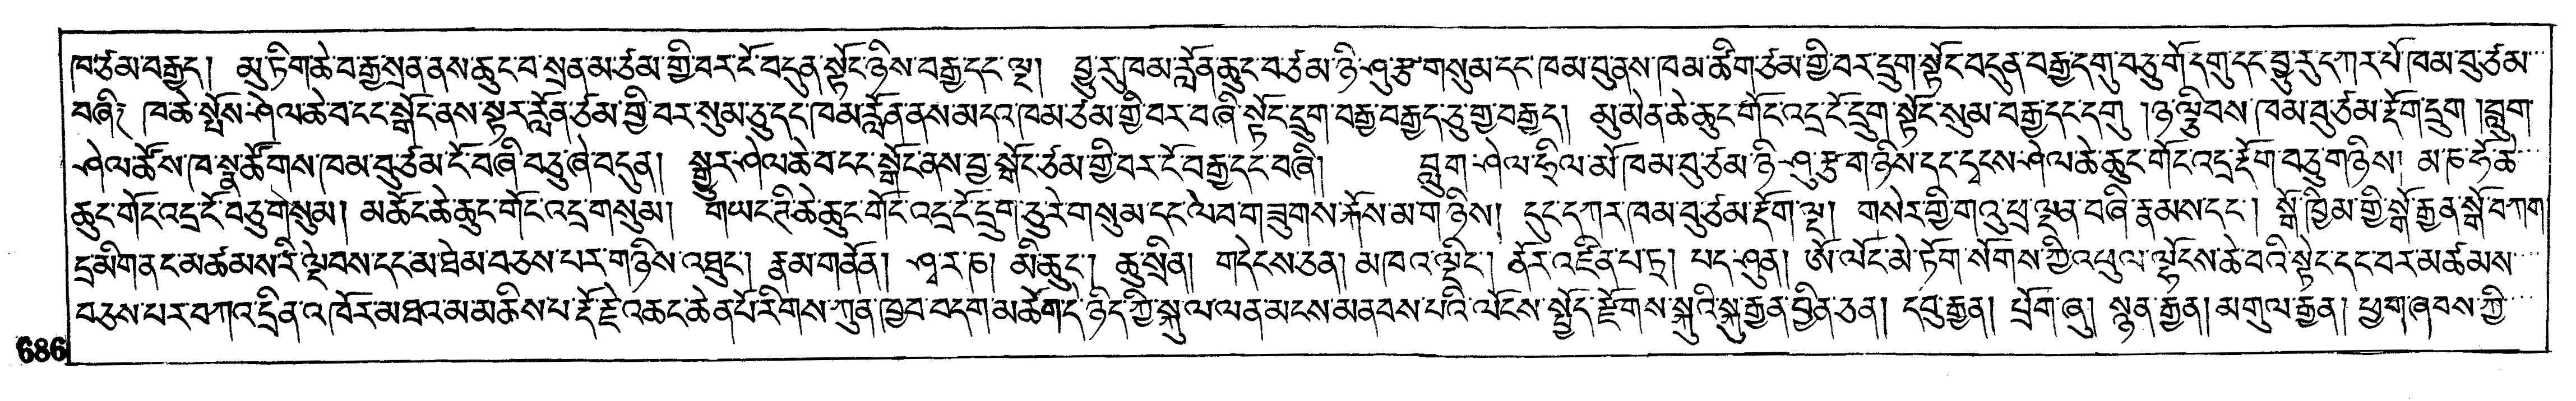ཁ་ཙམ་བརྒྱད། མུ་ཏིག་ཆེ་བརྒྱ་སྲན་ནས་ཆུང་བ་སྲན་མ་ཙམ་གྱི་བར་ངོ་བདུན་སྟོན་གཉིས་བརྒྱ་དང་ལྔ། བྱུ་རུ་ཁམ་རློན་ཆུང་བ་ཙམ་ཉི་ཤུ་རྩ་གསུམ་དང་ཁམ་བུ་ནས་ཁམ་ཚིག་ཙམ་གྱི་བར་དྲུག་སྟོང་བདུན་བརྒྱ་དགུ་བཅུ་གོ་དགུ་དང་བྱུ་རུ་དཀར་བོ་ཁམ་བུ་ཙམ་
བཞི༑ ཁ་ཆེ་སྤོས་ཤེལ་ཆེ་བ་དང་སྒོང་ནས་སྟར་རློན་ཙམ་གྱི་བར་སུམ་ཅུ་དང་ཁམ་རློན་ནས་མངའ་ཁམ་ཙམ་གྱི་བར་བཞི་སྟོང་དྲུག་བརྒྱ་བརྒྱད་ཅུ་གྱ་བརྒྱད། མུ་མེན་ཆེ་ཆུང་གོང་འདྲ་དོ་དྲུག་སྟོང་སུམ་བརྒྱ་དང་དགུ །ཉ་ལྕིབས་ཁམ་བུ་ཙམ་རྡོག་དྲུག །བླུག་
ཤེལ་ཚོས་ཁ་སྣ་ཚོགས་ཁམ་བུ་ཙམ་ངོ་བཞི་བཅུ་ཞེ་བདུན། སྒྱུར་ཤེལ་ཆེ་བ་དང་སྒོང་ནས་བྱ་སྒོང་ཙམ་གྱི་བར་ངོ་བརྒྱ་དང་བཞི། བླུག་ཤེལ་ཧྲིལ་མོ་ཁམ་བུ་ཙམ་ཉི་ཤུ་རྩ་གཉིས་དང་དྭངས་ཤེལ་ཆེ་ཆུང་གོང་འདྲ་རྡོག་བཅུ་གཉིས། མ་ཎ་ཧོ་ཆེ་
ཆུང་གོར་འདྲ་ངོ་བཅུ་གསུམ། མཆོང་ཆེ་ཆུང་གོང་འདྲ་གསུམ། གཡང་ཊི་ཆེ་ཆུང་གོང་འདྲ་ངོ་དྲུག་ཅུ་རེ་གསུམ་དང་ལེབ་གཟུགས་རྐོས་མ་གཉིས། དུང་དཀར་ཁམ་བུ་ཙམ་རྡོག་ལྔ། གསེར་གྱི་གའུ་ཕྲ་ལྡན་བཞི་རྣམས་དང་། སྒོ་ཁྱིམ་གྱི་སྒོ་རྒྱན་སྒོ་བཀག་
དྲ་མིག་ནང་མཚམས་རི་ལྡེབས་དང་མ་ཐེམ་བཅས་པར་གཉིས་འཐུང་། རྣམ་གནོན། ཤྭ་ར་ཎ། མི་ཆུང་། ཆུ་སྲིན། གདེངས་ཅན། མཁའ་ལྡིང་། ནོར་འཇིན་པ་ཏྲ། པད་ཤུན། ཨོ་ལོང་མེ་ཏོག་སོགས་ཀྱི་འཕུལ་ལྷོངས་ཆེ་བའི་སྟེང་དང་བར་མཚམས་
བཅས་པར་བཀའ་དྲིན་འཁོར་མཐའམ་མཆིས་པ་རྡོ་རྗེ་འཆང་ཆེན་པོ་རིགས་ཀུན་ཁྱབ་བདག་མཆོག་དེ་ཉིད་ཀྱི་སྐུ་ལ་ལན་མངས་མནབས་པའི་ལོངས་སྤྱོད་རྫོགས་སྐུའི་སྐ་རྒྱན་བྱིན་ཅན། དབུ་རྒྱན། པྲོག་ཞུ། སྙན་རྒྱན། མགུལ་རྒྱན། ཕྱག་ཞབས་ཀྱི་